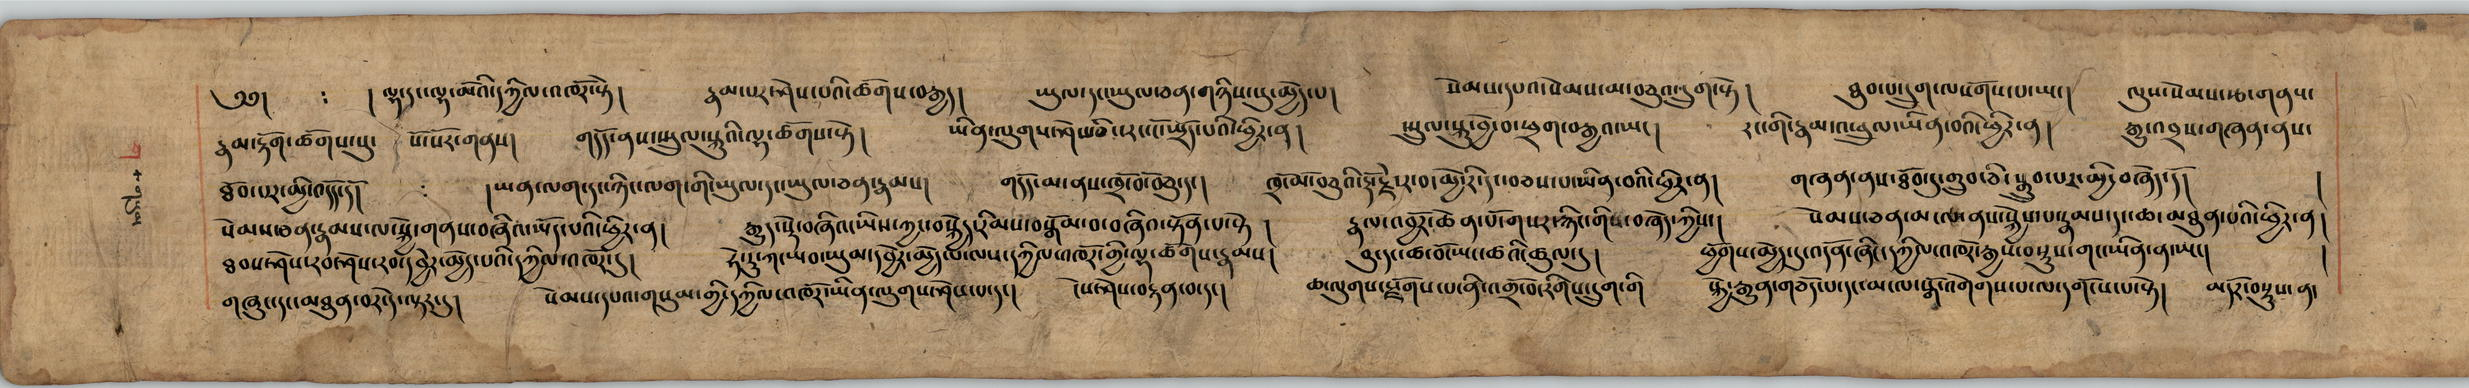༄༅། །ལྷ་དང་ལྷ་མོའི་དཀྱིལ་འཁོར་སྟེ། རྣམ་པར་ཤེས་པའི་ཚོགས་བརྒྱད། ཡུལ་དང་ཡུལ་ཅན་གཉིས་སུ་མྱེད་པ། སེམས་དཔའ་སེམས་མ་བཅུའ་དྲུག་སྟེ། ཐུབ་པ་དྲུག་སྟེ། ཐུབ་པ་དྲུག་ལསོགས་པ་ཡང། ལུས་སེམས་རྩ་གནས་
རྣམ་རྟོག་ཚོགས་སུ་ སོ་སོར་གནས། གདོད་ནས་སྤྲུལ་སྐུའི་ལྷ་ཚོགས་སྟེ། ཡིན་ལུགས་ཤེས་ཅིང་རང་ངོ་སྤྲོད་པའི་ཕྱིར་ན། སྤྲུལ་སྐུ་བྱེ་བ་ཕྲག་བརྒྱའ་ཡང། རང་གི་རྣམ་འཕྲུལ་ཡིན་བའི་ཕྱིར་ན། རྒྱུ་འབྲས་གཞན་ནས་
ཐོབ་པར་མྱི་འདོད་དོ། །ཡན་ལག་དང་ཉིང་ལག་གི་ཡུལ་དང་ཡུལ་ཅན་རྣམས། གདོད་མ་ནས་ཁྲོ་བོ་བཅུ་དང། ཁྲོ་མོ་བཅུའི་རྡོ་རྗེ་ར་བ་མྱེ་རི་དང་བཅས་པ་ཡིན་བའི་ཕྱིར་ན། གཞན་ནས་ཐོབ་དུ་གྲུབ་ཅི་སྒྲུབ་པར་མྱི་བཞེད་དོ།
སེམས་ཅན་རྣམས་ལ་སྐྱེ་གནས་བཞིའ་ཡོད་པའི་ཕྱིར་ན། རྒྱུད་སྡེ་བཞིའ་ཡིས་ཀྱང་བསྐྱེད་རིམས་བསྒོམ་བཞིའ་སྟོན་པ་སྟེ། རྣལ་འབྱོར་ཆེན་པོ་གསར་རྙིང་གིས་བཞེད་ཀྱིས་། སེམས་ཅན་མ་ལ་ནས་སྐྱེས་པ་རྣམས་དང་ཆ་མཐུན་པའི་ཕྱིར་ན།
ཐབས་ཤེས་རབ་ཤེས་དབྱེར་མྱེད་པའི་དཀྱིལ་འཁོར་དུ། ཧེ་རུ་ཀ་ཡབ་ཡུམ་དབྱེར་མྱེད་པ་ལས་དཀྱིལ་འཁོར་གྱི་ལྷ་ཚོགས་རྣམས། བུ་དང་ཚ་བོ་ཡང་ཚའི་ཚུལ་དུ། ཕྱོགས་མྱེད་དུ་འདོན་ཞིང་དཀྱིལ་འཁོར་རྒྱས་བསྡུས་གང་ཡིན་ན་ཡང།
གཞུང་དང་མཐུན་བར་དེ་ལྟར་དུ། སེམས་དཔའ་གསུམ་གྱི་དཀྱིལ་འཁོར་ཡིན་ལུགས་ཤེས་པ་དང། ངེས་ཤེས་བརྟན་བ་དང། ཆ་ལུགས་སྫོགས་པ་ནི་འགྲོ་བ་རིགས་དྲུག་གི སྐྱེ་རྒྱུན་གཅོད་པ་དང་མ་ལ་སྒོ་འགེགས་པ་ལ་དགོངས་པ་སྟེ། མདོར་བསྡུས་ན་